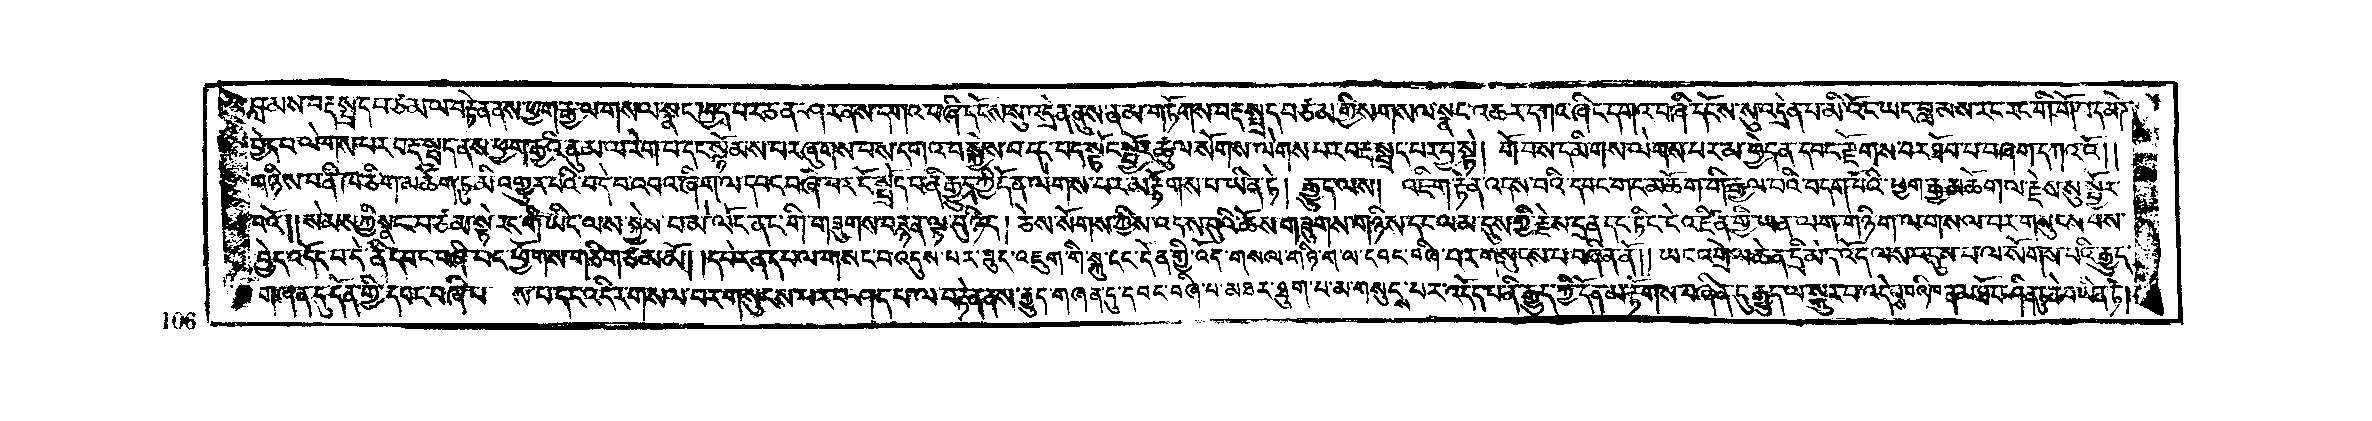བླ་མས་བརྡ་སྤྲད་པ་ཙམ་ལ་བརྟེན་ནས་ཕྱག་རྒྱ་ལ་གསལ་སྣང་ཁྱད་པར་ཅན་ཤར་ནས་དགའ་བཞི་དངོས་སུ་འདྲེན་ནུས་ན་མ་གཏོགས་བརྡ་སྤྲད་པ་ཙམ་གྱིས་གསལ་སྣང་འཆར་དཀའ་ཞིང་དགའ་བཞི་དངོས་སུ་འདྲེན་པ་མི་འོང་ཡང་བླ་མས་རང་རང་གི་གོ་བ་དམིགས་
བྱེད་པ་ལེགས་པར་བརྡ་སྤྲད་ནས་ཕྱག་རྒྱའི་ནུ་མ་ལ་རེག་པ་དང་སྙོམས་པར་ཞུགས་པས་དགའ་བ་སྐྱེས་པ་དང་པད་སྟོང་སྦྱོར་ཚུལ་སོགས་ལེགས་པར་བརྡ་སྤྲད་པར་བྱ་སྟེ། གོ་བས་དམིགས་ལེགས་པར་མ་བྱེད་ན་དབང་རྫོགས་པར་ཐོབ་པ་བཞག་དཀའ་འོ། །
གཉིས་པ་ནི་ཁ་ཅིག་མཆོག་ཏུ་མི་འགྱུར་བའི་བདེ་བ་འབའ་ཞིག་ལ་དབང་བཞི་པར་ངོ་སྤྲོད་པ་ནི་རྒྱུད་ཀྱི་དོན་ལེགས་པར་མ་རྟོགས་པ་ཡིན་ཏེ། རྒྱུད་ལས། འཇིག་རྟེན་འདས་པའི་དབང་གང་མཆོག་གི་རྒྱལ་བའི་བདག་པོའི་ཕྱག་རྒྱ་མཆོག་ལ་རྗེས་སུ་སྦྱོར་
བའོ། །སེམས་ཀྱི་སྣང་བ་ཙམ་སྟེ་རང་གི་ཡིད་ལས་སྐྱེས་པ་མེ་ལོང་ནང་གི་གཟུགས་བརྙན་ལྟ་བུ་ཉིད། ཅེས་སོགས་ཀྱིས་འདས་བུའི་ཆོས་གཟུགས་གཉིས་དང་ལམ་དུས་ཀྱི་རྗེས་དྲན་དང་ཏིང་ངེ་འཛིན་གྱི་ཡན་ལག་གཉི་ག་ལ་གསལ་བར་གསུངས་པས་
བྱེད་འདོད་པ་དེ་ནི་དབང་བཞི་པར་ཕྱོགས་གཅིག་ཙམ་མོ། །དཔེར་ན་དཔལ་གསང་བ་འདུས་པར་ཟུང་འཇུག་གི་སྐུ་དང་དོན་གྱི་འོད་གསལ་གཉི་ག་ལ་དབང་བཞི་པར་གསུངས་པ་བཞིན་ནོ། །ཡང་འགྲེལ་ཆེན་དྲི་མེད་འོད་ལས་འདུས་པ་ལ་སོགས་པའི་རྒྱུད་
གཞན་དུ་དོན་གྱི་དབང་བཞི་པ་གསུངས་?་པ་དང་འདིར་གསལ་བར་གསུངས་པར་བཤད་པ་ལ་བརྟེན་ནས་རྒྱུད་གཞན་དུ་དབང་བཞི་པ་མཐར་ཐུག་པ་མ་གསུངས་པར་འདོད་པ་ནི་རྒྱུད་ཀྱི་དོན་མ་རྟོགས་བཞིན་དུ་རྒྱུད་ལ་སྐུར་བ་འདེབས་པའི་ཁ་ན་མ་ཐོབ་ཤིན་ཏུ་ཆེ་བ་ཡིན་ཏེ།